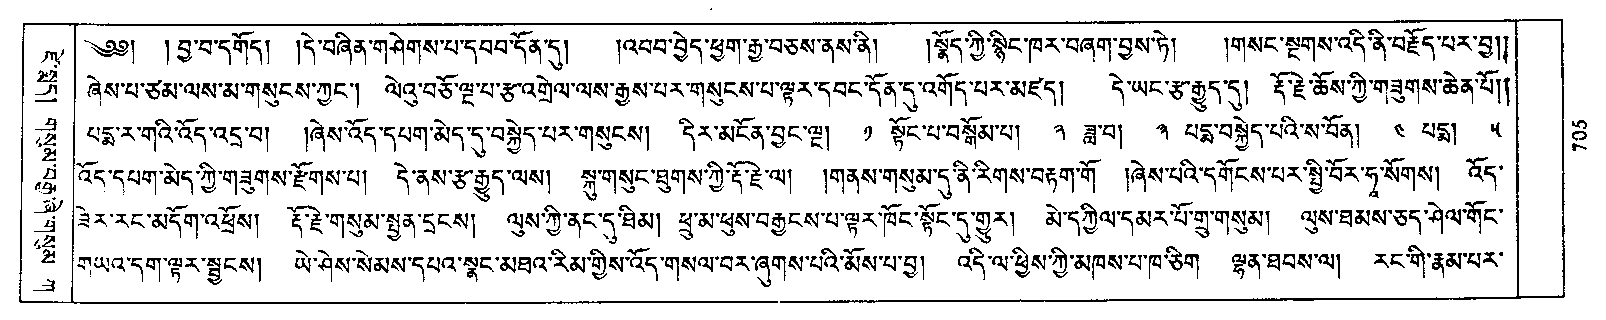༄༅། །བྱ་བ་དགོད། །དེ་བཞིན་གཤེགས་པ་དབབ་དོན་དུ། །འབབ་བྱེད་ཕྱག་རྒྱ་བཅས་ནས་ནི། །སྣོད་ཀྱི་སྙིང་ཁར་བཞག་བྱས་ཏེ། །གསང་སྔགས་འདི་ནི་བརྗོད་པར་བྱ།།
ཞེས་པ་ཙམ་ལས་མ་གསུངས་ཀྱང་། ལེའུ་བཅོ་ལྔ་པ་རྩ་འགྲེལ་ལས་རྒྱས་པར་གསུངས་པ་ལྟར་དབང་དོན་དུ་འགོད་པར་མཛད། དེ་ཡང་རྩ་རྒྱུད་དུ། རྡོ་རྗེ་ཆོས་ཀྱི་གཟུགས་ཆེན་པོ།།
པདམ་ར་གའི་འོད་འདྲ་བ། །ཞེས་འོད་དཔག་མེད་དུ་བསྐྱེད་པར་གསུངས། དིར་མངོན་བྱང་ལྔ། ༡་སྟོང་པ་བསྒོམ་པ། ༢་ཟླ་བ། ༣་པདམ་བསྐྱེད་པའི་ས་བོན། ༤་པདམ། ༥
འོད་དཔག་མེད་ཀྱི་གཟུགས་རྫོགས་པ། དེ་ནས་རྩ་རྒྱུད་ལས། སྐུ་གསུང་ཐུགས་ཀྱི་རྡོ་རྗེ་ལ། །གནས་གསུམ་དུ་ནི་རིགས་བརྟག་གོ །ཞེས་པའི་དགོངས་པར་སྤྱི་བོར་ཧཱ་སོགས། འོད་
ཟེར་རང་མདོག་འཕྲོས། རྡོ་རྗེ་གསུམ་སྤྱན་དྲངས། ལུས་ཀྱི་ནང་དུ་ཐིམ། ཕྲུ་མ་ཕུས་བརྒྱངས་པ་ལྟར་ཁོང་སྟོང་དུ་གྱུར། མེ་དཀྱིལ་དམར་པོ་གྲུ་གསུམ། ལུས་ཐམས་ཅད་ཤེལ་གོང་
གཡའ་དག་ལྟར་སྦྱངས། ཡེ་ཤེས་སེམས་དཔའ་སྣང་མཐའ་རིམ་གྱིས་འོད་གསལ་བར་ཞུགས་པའི་མོས་པ་བྱ། འདི་ལ་ཕྱིས་ཀྱི་མཁས་པ་ཁ་ཅིག་ལྷན་ཐབས་ལ། རང་གི་རྣམ་པར་